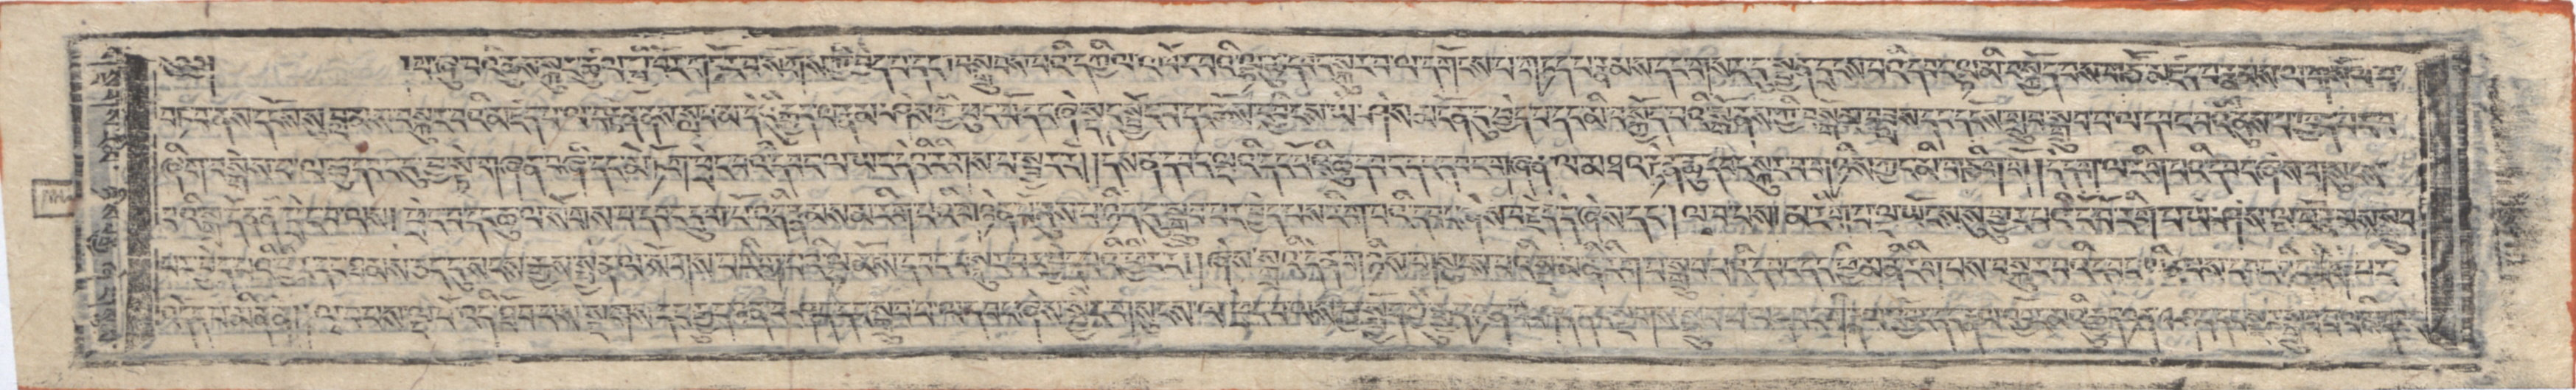༄༅། །པ་ཞུ་བའི་ཆུས་སྐུར་ཚུལ་སྤྱི་བོར་གཏོར་བ་སོགས་ཀྱི་བྱེད་པ་དང་། བསྒྲུབས་པའི་དཀྱིལ་འཁོར་བའི་ལྷ་ཆུ་དབང་སྐུར་བ་ལ་དགོངས་པ་གཏད་པ་རྣམས་དང་གསར་དུ་སྤྱན་དྲངས་པའི་དབང་ལྷ་མི་བསྐྱོད་པས་གཙོ་མཛད་པ་རྣམས་ལ་གསོལ་བ་
བཏབ་ནས་དངོས་སུ་བླ་མས་བསྐུར་བའི་མཛད་པ་ལ་བརྟེན་ནས་སློབ་མ་དེའི་རྒྱུད་ལ་རྣམ་ཤེས་ཀྱི་ཕུང་པོ་དང་ཞེ་སྡང་སྦྱོང་བ་དང་ཆོས་དབྱིངས་ཡེ་ཤེས་མངོན་དུ་བྱེད་པ་དང་མི་བསྐྱོད་པའི་སྒོ་ནས་ཀྱི་བསྒོམ་བཟླས་དང་དངོས་གྲུབ་པ་ལ་དབང་བའི་ནུས་པ་ཁྱད་པར་བ་
ཞིག་བསྒོས་པ་ལ་ཆུ་དབང་དུ་བྱ་སྟེ་གཞན་བཞི་དང་མེ་ཏོག་ཕྲེང་བའི་དབང་ལ་ཡང་དེའི་རིགས་པ་སྦྱར་རོ། །དེས་ན་དབང་ལྔའི་དང་པོའི་ཆུ་དབང་དང་དབང་གཞན་ལ་མཐའ་རྟེན་ཆུ་དབང་སྐུར་བ་གཉིས་ཀྱང་མི་གཅིག་གོ །དེ་དག་ལ་རིག་པའི་དབང་ཞེས་གསུངས་
པའི་སྒྲ་དོན་ནི་ཕྲེང་བ་ལས། ཕྲེང་བ་དང་ཆུ་ལ་སོགས་པ་དབང་དྲུག་པོ་འདི་རྣམས་མ་རིག་པའི་གཉེན་པོ་ནུས་པ་ཉིད་དུ་སྒྲུབ་པར་བྱེད་པས་རིག་པའི་དབང་ཞེས་བརྗོད་དེ་ཞེས་དང་། ལ་བ་པས། མ་རིག་པ་ལྔ་ཡོངས་སུ་གྱུར་པའི་ངོ་བོ་རིག་པ་ཡེ་ཤེས་ལྔ་པོ་རྣམས་སྒྲུབ་
པར་བྱེད་པའི་ཕྱིར་དང་ཐམས་ཅད་དུ་སངས་རྒྱས་སྤྱན་ལ་སོགས་པ་རིག་པའི་ལྷ་མོས་དབང་བསྐུར་བར་བྱེད་པའི་ཕྱིར་རོ། །ཞེས་སྒྲའི་དོན་གཉིས་གསུངས་པའི་སྔ་མ་ནི་རིག་པ་སྒྲུབ་པའི་དབང་དང་ཕྱི་མ་ནི་རིག་པས་བསྐུར་བའི་དབང་ཡིན་པས་དབང་ཉིད་རིག་པར་
འདོད་པ་མིན་ནོ། །ལྭ་བ་པས་ལྔ་པོ་འདི་ཐོབ་པས་སྔགས་དང་རྒྱུད་ཉན་བཤད་དང་སྒྲུབ་པ་ལ་དབང་ཞེས་སྤྱིར་གསུངས་ལ་ཕྲེང་བ་ལས་བྱ་སྤྱོད་ཀྱི་རྒྱུད་ཉན་བཤད་དང་སྔགས་སྒྲུབ་པ་ལ་དབང་གི་རྣལ་འབྱོར་དང་རྣལ་འབྱོར་མའི་རྒྱུད་ཉན་བཤད་དང་སྔགས་སྒྲུབ་པ་ལ་མི་དབང་